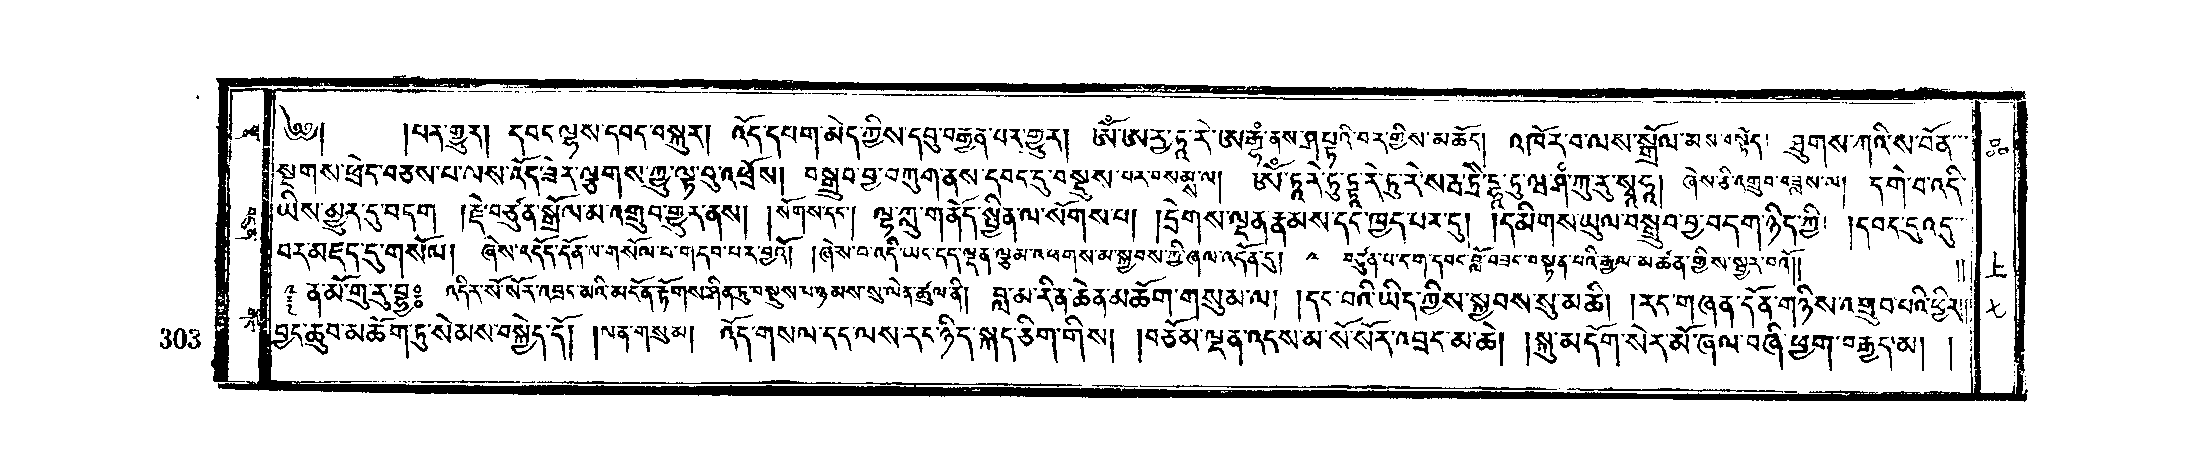༄༅། །པར་གྱུར། དབང་ལྷས་དབང་བསྐུར། འོད་དཔག་མེད་ཀྱིས་དབུ་བརྒྱན་པར་གྱུར། ཨོཾ་ཨརྱ་ཏཱ་རེ་ཨརྒྷཾ་ནས་ཤཔྟའི་བར་གྱིས་མཆོད། འཁོར་བ་ལས་སྒྲོལ་མས་བསྟོད། ཐུགས་ཀའི་ས་བོན་
སྔགས་ཕྲེང་བཅས་པ་ལས་འོད་ཟེར་ལྕགས་ཀྱུ་ལྟ་བུ་འཕྲོས། བསྒྲུབ་བྱ་བཀུག་ནས་དབང་དུ་བསྡུས་པར་བསམས་ལ། ཨོཾ་ཏཱ་རེ་ཏུ་ཏྟཱ་རེ་ཏུ་རེ་སརྦ་ཏྲཻ་དྷཱ་ཏུ་ཝ་ཤཾ་ཀུ་རུ་སྭཱཧཱ། ཞེས་ཅི་འགྲུབ་བཟླས་ལ། དགེ་བ་འདི་
ཡིས་མྱུར་དུ་བདག །རྗེ་བཙུན་སྒྲོལ་མ་འགྲུབ་གྱུར་ནས། །སོགས་དང་། ལྷ་ཀླུ་གནོད་སྦྱིན་ལ་སོགས་པ། །དྲེགས་ལྡན་རྣམས་དང་ཁྱད་པར་དུ། །དམིགས་ཡུལ་བསྒྲུབ་བྱ་བདག་ཉིད་ཀྱི། །དབང་དུ་འདུ་
བར་མཛད་དུ་གསོལ། ཞེས་འདོད་དོན་ལ་གསོལ་བ་གདབ་པར་བྱའོ། །ཞེས་པ་འདི་ཡང་དད་ལྡན་ལྕམ་འཕགས་མ་སྐྱབས་ཀྱི་ཞལ་འདོན་དུ། བཙུན་པ་ངག་དབང་བློ་བཟང་བསྟན་པའི་རྒྱལ་མཚན་གྱིས་སྦྱར་བའོ།། །།
ན་མོ་གུ་རུ་བྷྱཿ འདིར་སོ་སོར་འབྲང་མའི་མངོན་རྟོགས་ཤིན་ཏུ་བསྡུས་པ་ཉམས་སུ་ལེན་ཚུལ་ནི། བླ་མ་རིན་ཆེན་མཆོག་གསུམ་ལ། །དང་བའི་ཡིད་ཀྱིས་སྐྱབས་སུ་མཆི། །རང་གཞན་དོན་གཉིས་འགྲུབ་པའི་ཕྱིར། །
བྱང་ཆུབ་མཆོག་ཏུ་སེམས་བསྐྱེད་དོ། །ལན་གསུམ། འོད་གསལ་ངང་ལས་རང་ཉིད་སྐད་ཅིག་གིས། །བཅོམ་ལྡན་འདས་མ་སོ་སོར་འབྲང་མ་ཆེ། །སྐུ་མདོག་སེར་མོ་ཞལ་བཞི་ཕྱག་བརྒྱད་མ། །